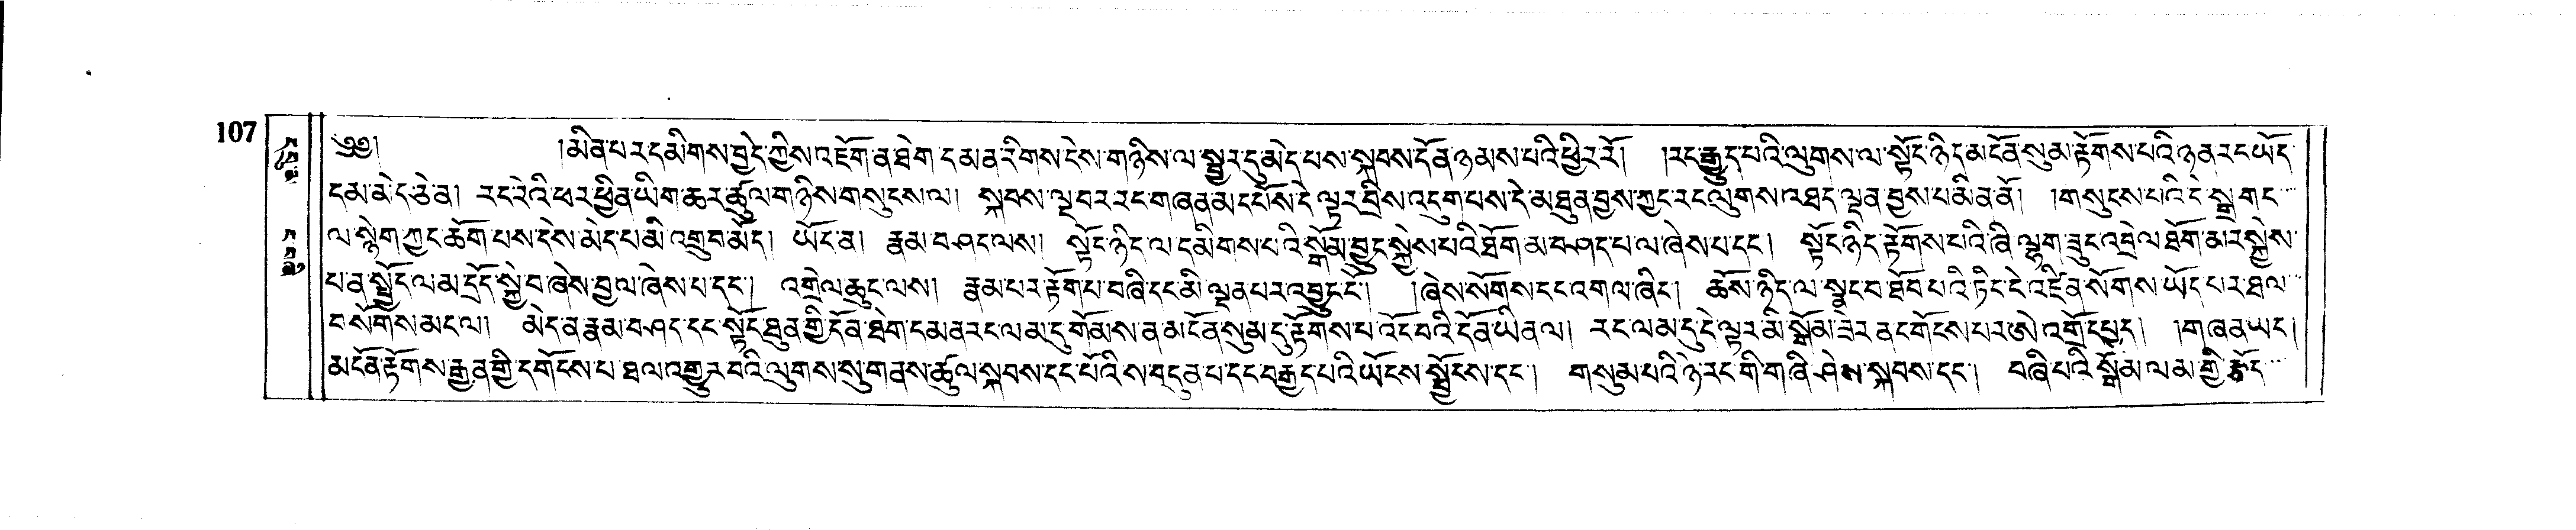༄༅། །མིན་པར་དམིགས་བྱེད་ཀྱིས་འཇོག་ན་ཐེག་དམན་རིགས་དེས་གཉིས་ལ་སྦྱར་དུ་མེད་པས་སྐབས་དོན་ཉམས་པའི་ཕྱིར་རོ། །རང་རྒྱུད་པའི་ལུགས་ལ་སྟོང་ཉིད་མངོན་སུམ་རྟོགས་པའི་ཉན་རང་ཡོད་
དམ་མེད་ཅེ་ན། རང་རེའི་ཕར་ཕྱིན་ཡིག་ཆར་ཚུལ་གཉིས་གསུངས་ལ། སྐབས་ལྔ་བར་རང་གཞན་མང་པོས་དེ་ལྟར་བྲིས་འདུག་པས་དེ་མཐུན་བྱས་ཀྱང་རང་ལུགས་འཐད་ལྡན་བྱས་པ་མིན་ནོ། །གསུངས་པའི་དེ་སྒྲ་གང་
ལ་སྙེག་ཀྱང་ཆོག་པས་དེས་མེད་པ་མི་འགྲུབ་མོད། ཡོད་ན། རྣམ་བཤད་ལས། སྟོང་ཉིད་ལ་དམིགས་པའི་སྒོམ་བྱུང་སྐྱེས་པའི་ཐོག་མ་བཤད་པ་ལ་ཞེས་པ་དང་། སྟོང་ཉིད་རྟོགས་པའི་ཞི་ལྷག་ཟུང་འབྲེལ་ཐོག་མར་སྐྱེས་
པ་ན་སྤྱོད་ལམ་དྲོད་སྐྱེ་བ་ཞེས་བྱ་ལ་ཞེས་པ་དང་། འགྲེལ་ཆུང་ལས། རྣམ་པར་རྟོག་པ་བཞི་དང་མི་ལྡན་པར་འབྱུང་ངོ། །ཞེས་སོགས་དང་འགལ་ཞིང་། ཆོས་ཉིད་ལ་སྣང་བ་ཐོབ་པའི་ཏིང་ངེ་འཛིན་སོགས་ཡོད་པར་ཐལ་
བ་སོགས་མང་ལ། མེད་ན་རྣམ་བཤད་དང་སྟོང་ཐུན་གྱི་དོན་ཐེག་དམན་རང་ལམ་དུ་གོམས་ན་མངོན་སུམ་དུ་རྟོགས་པ་འོང་བའི་དོན་ཡིན་ལ། རང་ལམ་དུ་དེ་ལྟར་མི་སྒོམ་ཟེར་ན་དགོངས་པར་ཨེ་འགྲོ་དཔྱད། །གཞན་ཡང་།
མངོན་རྟོགས་རྒྱན་གྱི་དགོངས་པ་ཐལ་འགྱུར་བའི་ལུགས་སུ་གནས་ཚུལ་སྐབས་དང་པོའི་ས་བདུན་པ་དང་བརྒྱད་པའི་ཡོངས་སྦྱོངས་དང་། གསུམ་པའི་ཉེ་རང་གི་གཞི་ཤེས་སྐབས་དང་། བཞི་པའི་སྒོམ་ལམ་གྱི་རྩོད་